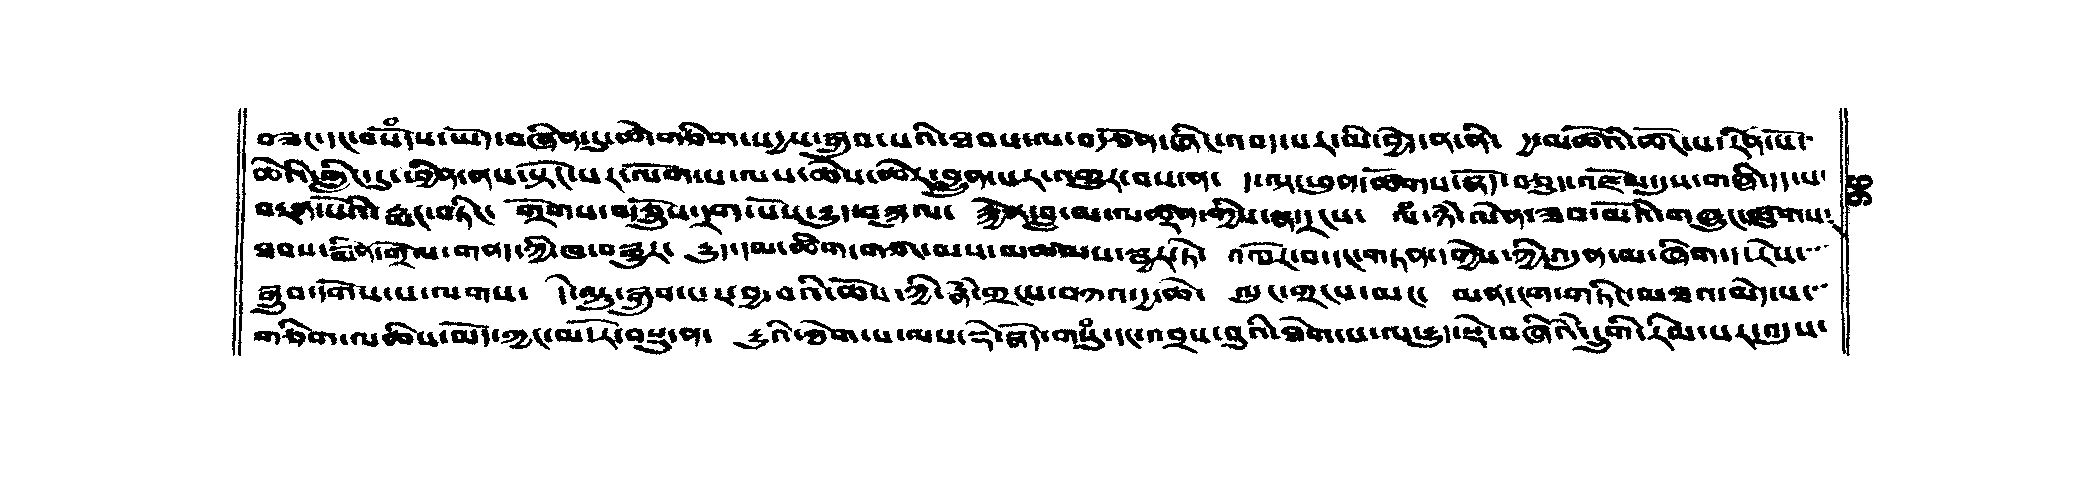བཟང་དང་བསོད་ནམས་ཡོད་བཞིན་དུ་ཚེ་གཅིག་སངས་རྒྱས་སྒྲུབ་པའི་ཐབས་ལ་བརྩོན་ཞིང་འབད་པར་མི་བྱེད་ན་ནི། རྒྱ་མཚོའི་ཚོང་པ་རིན་པོ་
ཆེའི་གླིང་དུ་ཕྱིན་ནས་སྟོང་པར་ལོག་པ་ལས་ཆེས་ཆེར་བླུན་པར་འགྱུར་བས་ན། ད་ལྟ་ཕུན་ཚོགས་སྣོད་བཅུད་འཛོམ་དུས་གཞི་དད་པ་
བརྟན་པོའི་རྨང་བཏིང་། གྲོགས་བརྩོན་འགྲུས་དྲག་པོས་རྒྱུད་བསྐུལ། རྐྱེན་བླ་མ་མཚན་ལྡན་གྱིས་སྣ་དྲངས། ལམ་ཉམེ་ལན་ཟབ་མོའི་གཞུང་ཚུགས་
ཐབས་སྨིན་གྲོལ་གནད་ཀྱི་ཁ་བསྒྱུར། རྒྱུད་དམ་ཚིག་གཙང་མས་མཚམས་སྦྱར་ཏེ། འཁོར་བ་དང་གཏན་དགྱེས་ཀྱི་འདུན་ཞིག་དང་རེས་
སྒྲུབ་དགོས་པ་ལགས། དེ་ལྟ་བུ་སྒྲུབ་པར་བྱ་བའི་ཆོས་ཀྱི་རྣམ་གྲངས་བཀའ་རྒྱ་ཆེ། ལུང་གྲངས་མང་། མན་ངག་གཏིང་མཐའ་མེད་པ་
གཅིག་མཆིས་མོད་ཀྱང་མདོར་བསྡུ་ན། རྒྱུའི་ཐེག་པ་ལས་སྡེ་སྣོད་གསུམ་དང་འབྲས་བུའི་ཐེག་པ་ལ་རྒྱུད་སྡེ་བཞིའམ་དྲུག་གི་རིམ་པར་འདུས་